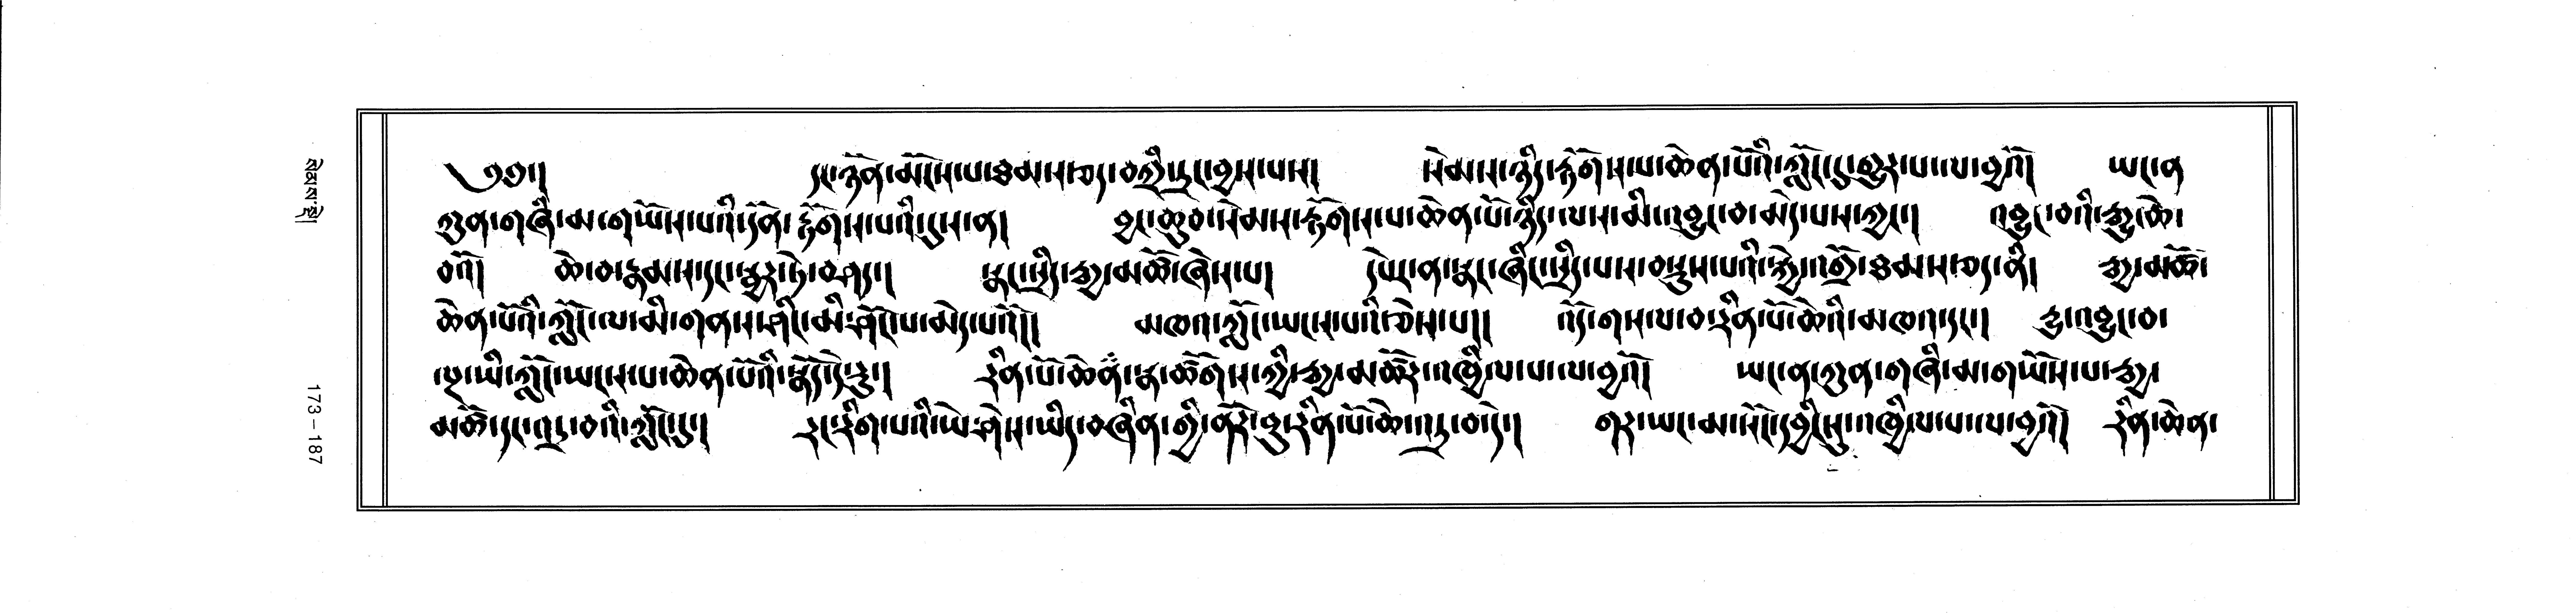དང་ཉོན་མོངས་པ་ཐམས་ཅད་བཀྲི་དྲང་བྱས་པས། སེམས་ཉིད་རྟོག་པ་ཆེན་པོའི་ཀློང་དུ་གྱུར་པ་ལ་བྱའོ། །ཡང་ན་
ཀུན་གཞི་མ་གཡོས་པ་དོན་རྟོགས་པའི་དུས་ན། བྱང་ཆུབ་སེམས་རྟོགས་པ་ཆེན་པོ་ཉིད་ལས་མི་འབྱུང་བ་མེད་པས་ཀྱང་འབྱུང་བའི་རྒྱུ་ཆེ་
བའོ། །ཆེ་བ་རྣམས་དང་སྦྱར་ཏེ་བཤད། སྣང་སྲིད་རྒྱ་མཚོ་ཞེས་པ། དཔེར་ན་སྣང་ཞིང་སྲིད་པས་བསྡུས་པའི་སྐྱེ་འགྲོ་ཐམས་ཅད་ནི། རྒྱ་མཚོ་
ཆེན་པོའི་ཀློང་ལ་མི་གནས་ཤིང་མི་ཤོང་བ་མེད་པའོ། །མཁའ་ཀློང་ཡངས་པའི་ཅེས་པ། འོད་གསལ་བ་རིན་པོ་ཆེའི་མཁའ་དང་། རྒྱུ་འབྱུང་བ་
ལྔ་ཡི་ཀློང་ཡངས་པ་ཆེན་པོའི་སྣོད་དེ་རུ། རིན་པོ་ཆེ་སྣ་ཚོགས་ཀྱི་རྒྱ་མཚོར་འཁྱིལ་པ་ལ་བྱའོ། །ཡང་ན་ཀུན་གཞི་མ་གཡོས་པ་རྒྱ་
མཚོ་དང་འདྲ་བའི་ཀློང་དུ། རང་རིག་ཡེ་ཤེས་ཡིད་བཞིན་ནོར་བུ་རིན་པོ་ཆེ་དང་འདྲ་བ་དེ། གར་ཡང་མ་སོང་དབྱིངས་སུ་འཁྱིལ་བ་ལ་བྱའོ། །རིན་ཆེན་